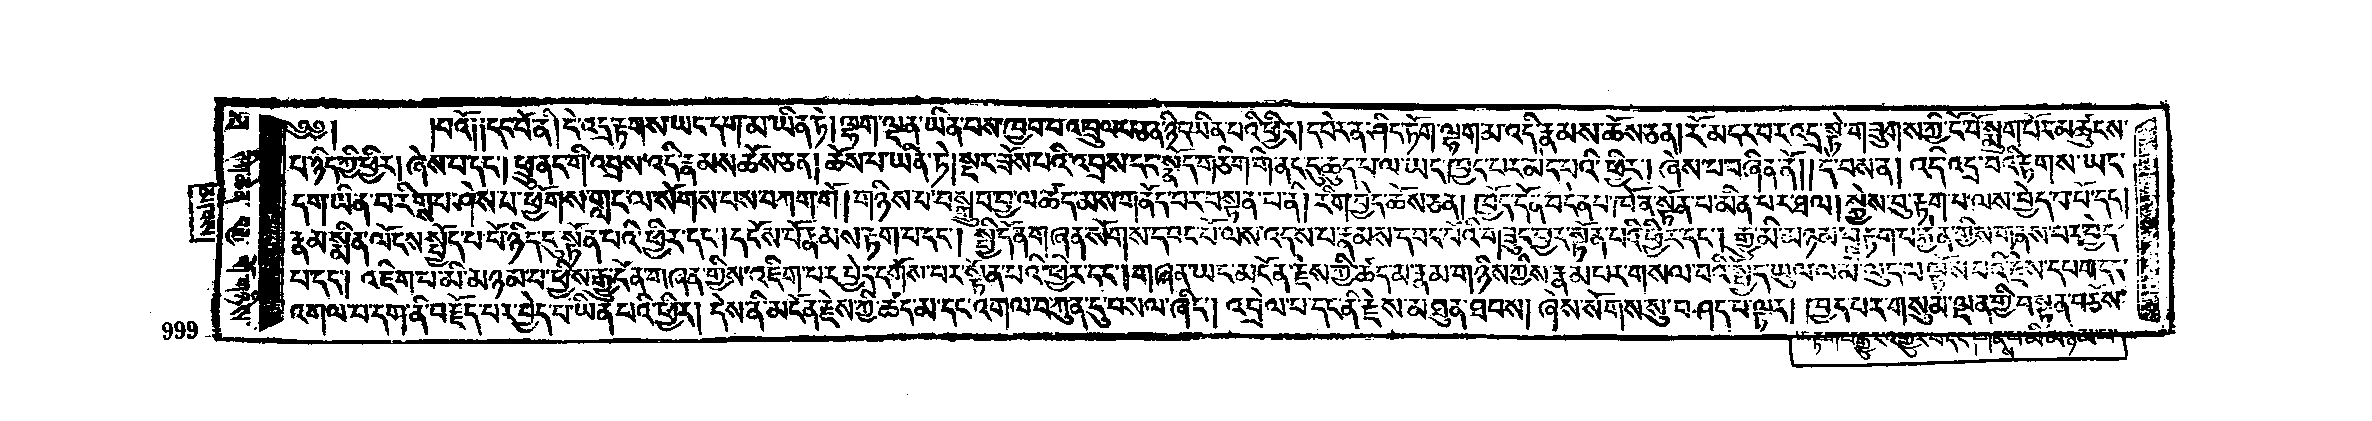༄༅། །པའོ། །དང་པོ་ནི། དེ་འདྲ་རྟགས་ཡང་དག་མ་ཡིན་ཏེ། ལྷག་ལྡན་ཡིན་པས་ཁྱབ་པ་འཁྲུལ་པ་ཅན་ཉིད་ཡིན་པའི་ཕྱིར་དཔེར་ན་ཤིང་ཏོག་ལྷག་མ་འདི་རྣམས་ཆོས་ཅན། རོ་མངར་བར་འདྲ་སྟེ་གཟུགས་ཀྱི་ངོ་བོ་སྨུག་པོར་མཚུངས་
པ་ཉིད་ཀྱི་ཕྱིར་ཞེས་པ་དང་། ཕྲུ་ནང་གི་འབྲས་འདི་རྣམས་ཆོས་ཅན། ཆོས་པ་ཡིན་ཏེ། སྣར་ཟོས་པའི་འབྲས་དང་སྣོད་གཅིག་གི་ནང་དུ་ཆུད་པ་ལ་ཡང་ཁྱད་པར་མེད་པའི་ཕྱིར། ཞེས་པ་བཞིན་ནོ། །དེ་བས་ན། འདི་འདྲ་བའི་རྟགས་ཡང་
དག་ཡིན་པ་རིགས་པ་ཤེས་པ་ཕྱོགས་གླང་ལ་སོགས་པས་བཀག་གོ །གཉིས་པ་བསྒྲུབ་བྱ་ལ་ཚད་མས་གནོད་པར་བསྟན་པ་ནི། རིགས་བྱེད་ཆོས་ཅན། ཁྱོད་དོན་བདེན་པ་ཁོ་ན་སྟོན་པ་མིན་པར་ཐལ། སྐྱེས་བུ་རྟག་པ་ལས་བྱེད་པ་པོ་དང་།
རྣམ་སྨིན་ལོངས་སྤྱོད་པ་པོ་ཉིད་དུ་སྟོན་པའི་ཕྱིར་དང་། དང་པོ་རྣམས་རྟག་པ་དང་། སྤྱི་དོན་གཞན་སོགས་དབང་པོ་ལས་འདས་པ་རྣམས་དབང་པོའི་གཟུང་བྱར་སྟོན་པའི་ཕྱིར་དང་། རྒྱུ་མི་མཉམ་པ་རྟག་པ་རྒྱུར་འགྱུར་བ་དང་། གནས་པ་མི་མཉམ་པ་རྟག་པ་རྐྱེན་གྱིས་གནས་པར་བྱེད་
པ་དང་། འཇིག་པ་མི་མཉམ་པ་ཕྱིས་རྒྱུ་དོན་གཞན་གྱི་འཇིག་པར་བྱེད་དགོས་པར་སྟོན་པའི་ཕྱིར་དང་། གཞན་ཡང་མངོན་རྗེས་ཀྱི་ཚད་མ་རྣམ་གཉིས་ཀྱིས་རྣམ་པར་གསལ་བའི་སྤྱོད་ཡུལ་ལ་མ་ལུད་ལ་ལྟོས་པའི་རྗེས་དཔག་དང་
འགལ་བ་དག་ནི་བརྗོད་པར་བྱེད་པ་ཡིན་པའི་ཕྱིར། དེས་ནི་མངོན་རྗེས་ཀྱི་ཚད་མ་དང་འགལ་བ་ཀུན་དུ་བསལ་ཞིང་། འབྲེལ་བ་དང་ནི་རྗེས་མཐུན་ཐབས། ཞེས་སོགས་སུ་བཤད་པ་ལྟར། ཁྱད་པར་གསུམ་ལྡན་གྱི་བསྟན་བཅོས་